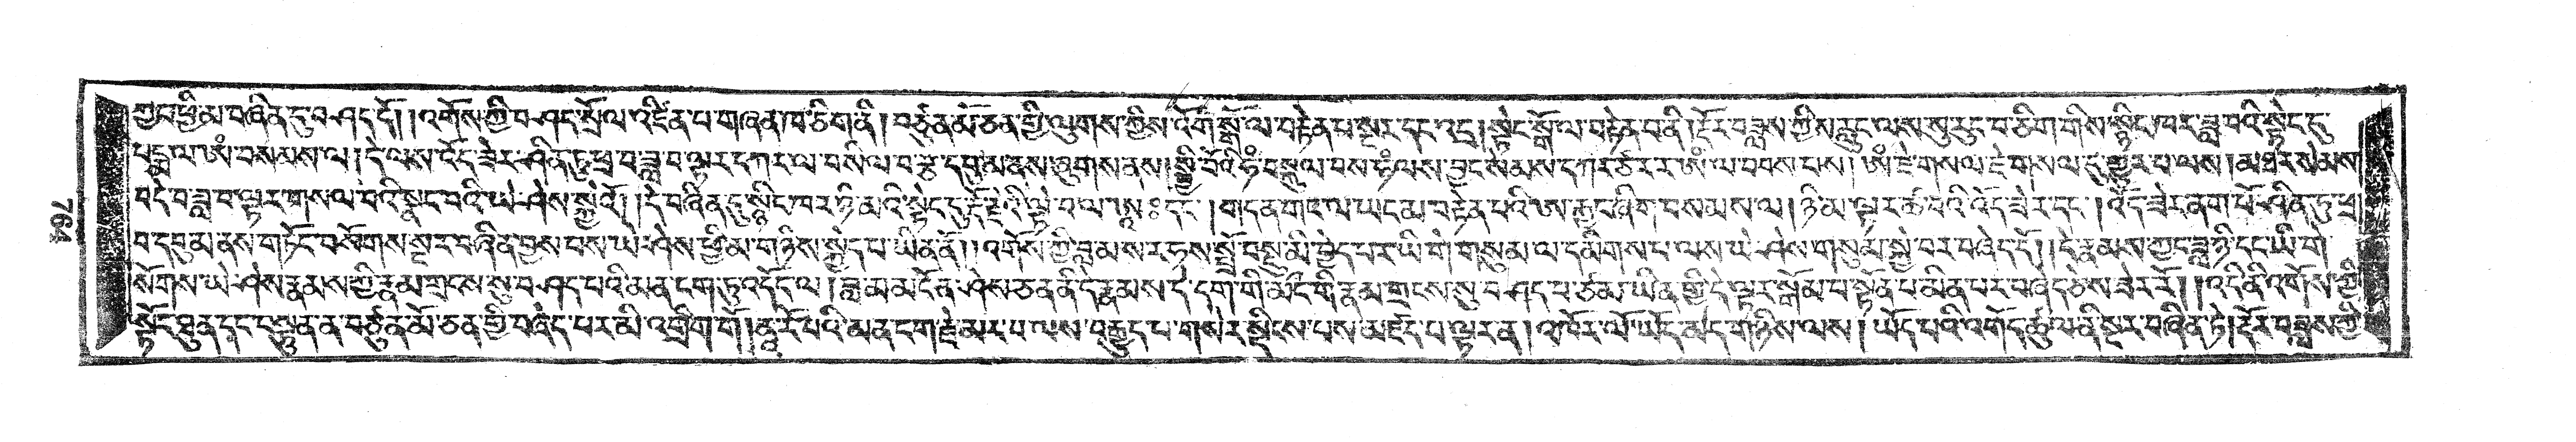ཀྱང་ཕྱི་མ་བཞིན་དུ་བཤད་དོ། །འགོས་ཀྱི་བཤད་སྲོལ་འཛིན་པ་གཞན་ཁ་ཅིག་ནི། བཙུན་མོ་ཅན་གྱི་ལུགས་ཀྱིས་འོག་སྒོ་ལ་བརྟེན་པ་སྔར་དང་འདྲ། སྟེང་སྒོ་ལ་བརྟེན་པ་ནི། རྡོར་བཟླས་ཀྱིས་རླུང་ལས་སུ་རུང་བ་ཅིག་གིས་སྙིང་ཁར་ཟླ་བའི་སྟེང་དུ་
པདམ་ལ་ཨཾ་བསམས་ལ། དེ་ལས་འོད་ཟེར་ཤིན་ཏུ་ཕྲ་བ་ཟླ་བ་ལྟར་དཀར་ལ་བསིལ་བ་རྩ་དབུ་མ་ནས་ཞུགས་ནས། སྤྱི་བོའི་ཧཾ་བསྐུལ་བས་ཧཾ་ལས་བྱང་སེམས་དཀར་ཙ་ར་ར་ཨཾ་ལ་བབས་པས། ཨཾ་ཇེ་གསལ་ཇེ་གསལ་དུ་གྱུར་པ་ལས། མཐར་སེམས་
བདེ་བ་ཟླ་བ་ལྟར་གསལ་བའི་སྣང་བའི་ཡེ་ཤེས་སྐྱེའོ། །དེ་བཞིན་དུ་སྙིང་ཁར་ཉི་མའི་སྟེང་དུ་རྡོ་རྗེའི་ལྟེ་བ་ལ་ཨཱཿ དང་། གདན་གང་ལ་ཡང་མ་བརྟེན་པའི་ཨ་རྐྱང་ཞིག་བསམས་ལ། ཉི་མ་ལྟར་ཚ་བའི་འོད་ཟེར་དང་། འོད་ཟེར་ནག་པོ་ཤིན་ཏུ་ཕྲ་
བ་དབུ་མ་ནས་གཏོང་བ་སོགས་སྔར་བཞིན་བྱས་པས་ཡེ་ཤེས་ཕྱི་མ་གཉིས་སྐྱེད་པ་ཡིན་ནོ། །འགོས་ཀྱི་བླ་མ་ས་ར་ཧས་སྤྲོ་བསྡུ་མི་བྱེད་པར་ཡི་གེ་གསུམ་ལ་དམིགས་པ་ལས་ཡེ་ཤེས་གསུམ་སྐྱེ་བར་བཞེད་དོ། །དེ་རྣམས་ཀྱང་ཟླ་ཉེ་དང་ཡི་གེ་
སོགས་ཡེ་ཤེས་རྣམས་ཀྱི་རྣམ་གྲངས་སུ་བཤད་པའི་མན་ངག་ཏུ་འདོད་ལ། བླ་མ་མངོན་ཤེས་ཅན་ནི་དེ་རྣམས་དེ་དག་གི་མང་གི་རྣམ་གྲངས་སུ་བཤད་པ་ཙམ་ཡིན་གྱི་དེ་ལྟར་སྒོམ་པ་སྟོན་པ་མིན་པར་བཞེད་ཅེས་ཟེར་རོ། །འདི་ནི་འགོས་ཀྱི་
སྟོང་ཐུན་དང་བསྟུན་ན་བཙུན་མོ་ཅན་གྱི་བཞེད་པར་མི་འགྲིག་གོ །ནཱ་རོ་པའི་མན་ངག་རྗེ་མར་བ་ལས་བརྒྱུད་པ་གསེར་སྡིངས་པས་མཛད་པ་ལྟར་ན། འཁོར་ལོ་ཡོད་མེད་གཉིས་ལས། ཡོད་པའི་འགོད་ཚུལ་ནི་སྔར་བཞིན་ཏེ། རྡོར་བཟླས་ཀྱི་